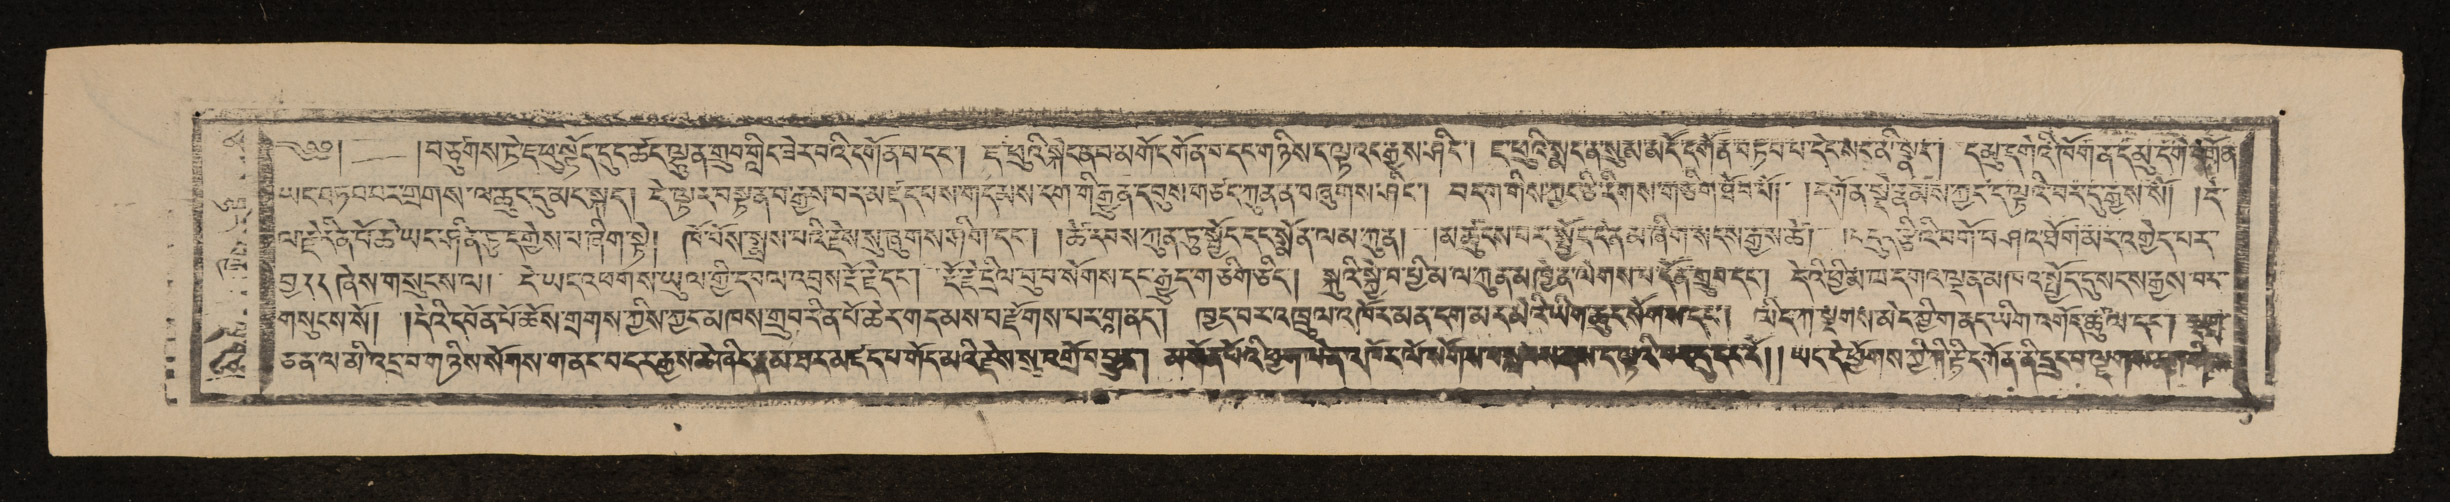༄༅། །བཙུགས་ཏེ་ཇ་ཕུ་སྟོང་དུ་ད་ཚང་ལྷུན་གྲུབ་གླིང་ཟེར་བའི་དགོན་པ་དང་། ཇ་ཕུའི་སྐེད་ན་བ་མགོ་དགོན་པ་དང་གཉིས་ད་ལྟའང་རྒྱས་ཤིང་། ཇ་ཕུའི་སྨད་ན་སུམ་མདོ་དགོན་བཏབ་པ་དེང་སང་མི་སྣང་། དམུ་དགེའི་ཁོག་ན་དམུ་དགེ་དགོན་
ཡང་བཏབ་པར་གྲགས་ལ་ཆུང་དུ་མང་སྐད། དེ་ལྟར་བསྟན་པ་རྒྱས་པར་མཛད་པས་གདམས་ངག་གི་རྒྱུན་དབུས་གཙང་ཀུན་ན་བཞུགས་ཤིང་། བདག་གིས་ཀྱང་ཅི་རིགས་གཅིག་ཐོབ་པོ། །དགོན་སྡེ་རྣམས་ཀྱང་ད་ལྟའི་བར་དུ་རྒྱས་སོ། །དེ་
ལ་རྗེ་རིན་པོ་ཆེ་ཡང་ཤིན་ཏུ་དགྱེས་པ་ཞིག་སྟེ། ཁོ་བོས་སྨྲས་པའི་རྗེས་སུ་ཞུགས་ཤིག་དང་། །ཚེ་རབས་ཀུན་ཏུ་སྤྱོད་དང་སྨོན་ལམ་ཀུན། །མཚུངས་པར་སྤྱོད་དེ་ནམ་ཞིག་སངས་རྒྱས་ཚེ། །བདུད་རྩིའི་འགོ་བཤའ་ཐོག་མར་འགྱེད་པར་
བྱ༑ ༑ཞེས་གསུངས་ལ། དེ་ཡང་འཕགས་ཡུལ་གྱི་དཔལ་འབྲས་རྡོ་རྗེ་དང་། རྡོ་རྗེ་དྲིལ་བུ་བ་སོགས་དང་རྒྱུད་གཅིག་ཅིང་། སྐུའི་སྐྱེ་བ་ཕྱི་མ་ལ་ཀུན་མཁྱེན་ལེགས་པ་དོན་གྲུབ་དང་། དེའི་ཕྱི་མ་ལ་དགའ་ལྡན་མཁའ་སྤྱོད་དུ་སངས་རྒྱས་པར་
གསུངས་སོ། །དེའི་དབོན་པོ་ཆོས་གྲགས་ཀྱིས་ཀྱང་མཁས་གྲུབ་རིན་པོ་ཆེར་གདམས་པ་རྫོགས་པར་གནང་། ཁྱད་པར་འཁྲུལ་འཁོར་མན་ངག་མར་མེའི་ཡིག་ཆུང་སོགས་དང་། ལིང་ཀ་སྔགས་མེད་ཀྱི་གནད་ཡིག་འགོད་ཚུལ་དང་། སྔགས་
ཅན་ལ་མི་འདྲ་བ་གཉིས་སོགས་གནང་བ་དར་རྒྱས་ཆེ་ཞིང་རྣམ་ཐར་མཛད་པ་གོང་མའི་རྗེས་སུ་འགྲོ་བ་བྱུང་། མགོན་པོའི་ཕྱག་ལེན་འཁོར་ལོ་སོགས་བསླབས་ནས་ད་ལྟའི་བར་དུ་དར་རོ། །ཡང་དེ་ཕྱོགས་ཀྱི་ཀིརྟི་དགོན་ནི་དྲུང་བ་ལྗགས་ནག་གིས་